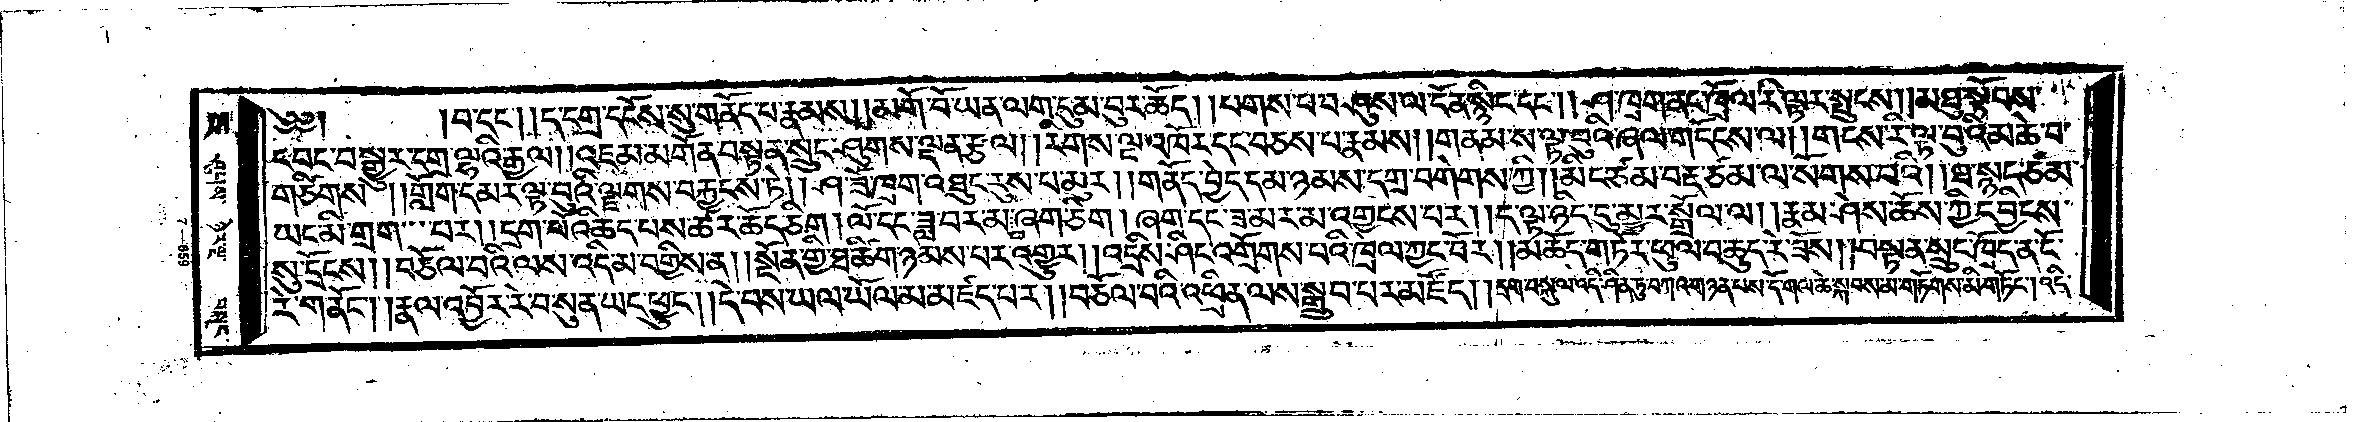༄༅། །བ་དང་། །ད་དགྲ་དངོས་སུ་གནོད་པ་རྣམས། །མགོ་བོ་ཡན་ལག་དུམ་བུར་ཆོད། །པགས་པ་བཤུས་ལ་དོན་སྙིང་དང་། །ཤ་ཁྲག་ནང་ཁྲོལ་རི་ལྟར་སྤུངས། །མཐུ་སྟོབས་
དབང་བསྒྱུར་དགྲ་ལྷའི་རྒྱལ། །འཇམ་མགོན་བསྟན་སྲུང་ཤུགས་ལྡན་རྩལ། །རིགས་ལྔ་འཁོར་དང་བཅས་པ་རྣམས། །གནམ་ས་ལྟ་བུའི་ཞལ་གདོངས་ལ། །གངས་རི་ལྟ་བུའི་མ་ཆེ་བ་
གཙིགས། །གློག་དམར་ལྟ་བུའི་ལྗགས་བརྐྱངས་ཏེ། །ཤ་ཟོ་ཁྲག་འཐུང་རུས་བ་མྱུར། །གནོད་བྱེད་དམ་ཉམས་དགྲ་བགེགས་ཀྱི། །མིང་ཙམ་བརྡ་ཙམ་ལ་སོགས་པའི། །ཐ་སྙད་ཙམ་
ཡང་མི་གྲག་པར། །དྲག་པོའི་ཆད་པས་ཚར་ཆོད་ཅིག །ལོ་དང་ཟླ་བར་མ་བཞག་ཅིག །ཞག་དང་ཟ་མར་མ་འགྱངས་པར། །ད་ལྟ་ཉིད་དུ་མྱུར་སྒྲོལ་ལ། །རྣམ་ཤེས་ཆོས་ཀྱི་དབྱིངས་
སུ་དྲོངས། །བཅོལ་བའི་ལས་འདི་མ་བགྱིས་ན། །སྔོན་གྱི་ཐ་ཚིག་ཉམས་པར་འགྱུར། །འདྲིས་ཤིང་འགྲོགས་པའི་ཁྲེལ་ཀྱང་བོར། །མཆོད་གཏོར་ཕུལ་བ་ཆུད་རེ་ཟོས། །བསྟན་སྲུང་ཁྲོད་ན་ངོ་
རེ་གནོང་། །རྣལ་འབྱོར་རེ་བ་སུན་ཡང་ཕྱུང་། །དེ་བས་ཡལ་ཡོལ་མ་མཛད་པར། །བཅོལ་བའི་འཕྲིན་ལས་སྒྲུབ་པར་མཛད། །དྲག་བསྐུལ་འདི་ཤིན་ཏུ་བཀའ་གཉན་པས་དོ་གལ་ཆེ་སྐབས་མ་གཏོགས་མི་གཏོང་། འདི་